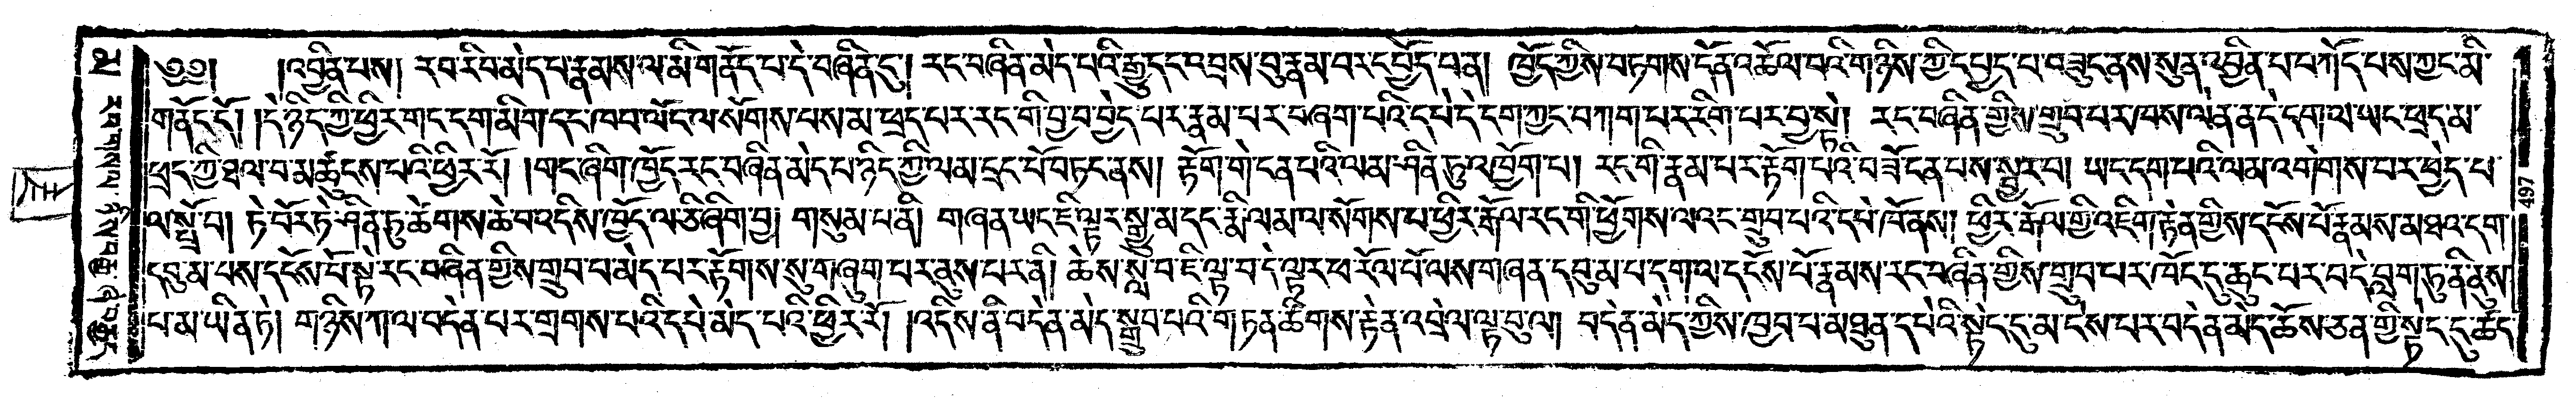༄༅། །འབྱིན་པས། རབ་རིབ་མེད་པ་རྣམས་ལ་མི་གནོད་པ་དེ་བཞིན་དུ། རང་བཞིན་མེད་པའི་རྒྱུ་དང་འབྲས་བུ་རྣམ་པར་དཔྱོད་པ་ན། ཁྱོད་ཀྱིས་བཏགས་དོན་འཚོལ་བའི་གཉིས་ཀྱི་དཔྱད་པ་བཟུང་ནས་སུན་འབྱིན་པ་བཀོད་པས་ཀྱང་མི་
གནོད་དོ། །དེ་ཉིད་ཀྱི་ཕྱིར་གང་དག་མིག་དང་ཁབ་ལོང་ལ་སོགས་པས་མ་ཕྲད་པར་རང་གི་བྱ་བ་བྱེད་པར་རྣམ་པར་བཞག་པའི་དཔེ་དེ་དག་ཀྱང་བཀག་པར་རིག་པར་བྱ་སྟེ། རང་བཞིན་གྱིས་གྲུབ་པར་ཁས་ལེན་ན་དེ་དག་ལ་ཡང་ཕྲད་མ་
ཕྲད་ཀྱི་ཐལ་བ་མཚུངས་པའི་ཕྱིར་རོ། །གང་ཞིག་ཁྱོད་རང་བཞིན་མེད་པ་ཉིད་ཀྱི་ལམ་དྲང་པོ་བཏང་ནས། རྟོག་གེ་ངན་པའི་ལམ་ཤིན་ཏུ་འཁྱོག་པ། རང་གི་རྣམ་པར་རྟོག་པའི་བཟོ་ངན་པས་སྦྱར་བ། ཡང་དག་པའི་ལམ་འགེགས་པར་བྱེད་པ་
ལ་སྤྲོ་བ། ཏེ་བོར་ཏེ་ཤིན་ཏུ་ཚོགས་ཆེ་བ་འདིས་ཁྱོད་ལ་ཅི་ཞིག་བྱ། གསུམ་པ་ནི། གཞན་ཡང་ཇི་ལྟར་སྒྱུ་མ་དང་རྨི་ལམ་ལ་སོགས་པ་ཕྱིར་རྒོལ་རང་གི་ཕྱོགས་ལའང་གྲུབ་པའི་དཔེ་ཁོ་ནས། ཕྱིར་རྒོལ་གྱི་འཇིག་རྟེན་གྱིས་དངོས་པོ་རྣམས་མཐའ་དག་
དབུ་མ་པས་དངོས་པོ་སྟེ་རང་བཞིན་གྱིས་གྲུབ་པ་མེད་པར་རྟོགས་སུ་གཞུག་པར་ནུས་པ་ནི། ཆེས་སླ་བ་ཇི་ལྟ་བ་དེ་ལྟར་ཕ་རོལ་པོ་ལས་གཞན་དབུ་མ་པ་དག་ལ་དངོས་པོ་རྣམས་རང་བཞིན་གྱིས་གྲུབ་པར་ཁོང་དུ་ཆུད་པར་བདེ་བླག་ཏུ་ནི་ནུས་
པ་མ་ཡིན་ཏེ། གཉིས་ཀ་ལ་བདེན་པར་གྲགས་པའི་དཔེ་མེད་པའི་ཕྱིར་རོ། །འདིས་ནི་བདེན་མེད་སྒྲུབ་པའི་གཏན་ཚིགས་རྟེན་འབྲེལ་ལྟ་བུ་ལ། བདེན་མེད་ཀྱིས་ཁྱབ་པ་མཐུན་དཔེའི་སྟེང་དུ་མ་ངེས་པར་བདེན་མེད་ཆོས་ཅན་གྱི་སྟེང་དུ་ཚད་